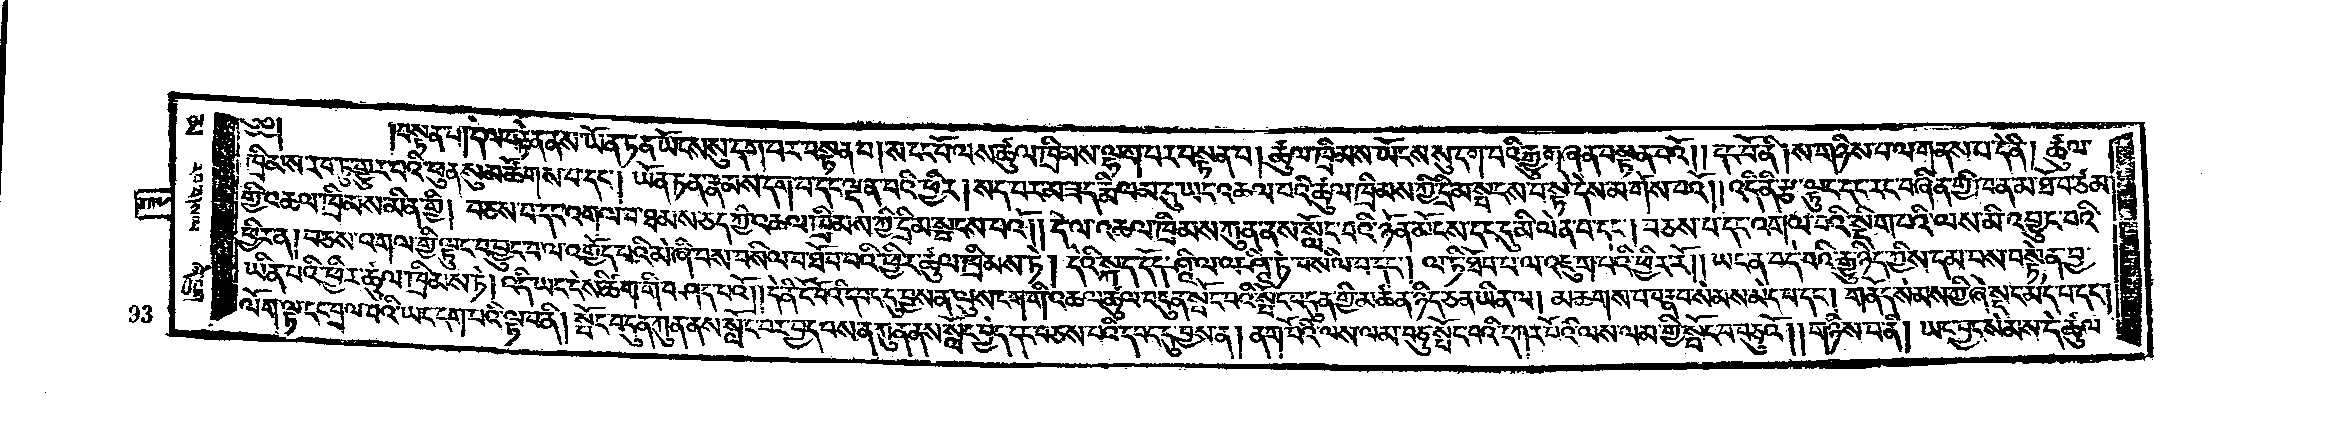༄༅། །བསྟན་པ། དེ་ལ་བརྟེན་ནས་ཡོན་ཏན་ཡོངས་སུ་དག་པར་བསྟན་པ། ས་དང་པོ་ལས་ཚུལ་ཁྲིམས་ལྷག་པར་བསྟན་པ། ཚུལ་ཁྲིམས་ཡོངས་སུ་དག་པའི་རྒྱུ་གཞན་བསྟན་པའོ། །དང་པོ་ནི། ས་གཉིས་པ་ལ་གནས་པ་དེ་ནི། ཚུལ་
ཁྲིམས་རབ་ཏུ་གྱུར་པའི་ཕུན་སུམ་ཚོགས་པ་དང་། ཡོན་ཏན་རྣམས་དག་པ་དང་ལྡན་པའི་ཕྱིར། སད་པར་མ་ཟད་རྨི་ལམ་དུ་ཡང་འཆལ་པའི་ཚུལ་ཁྲིམས་ཀྱི་དྲི་མ་སྤངས་པ་སྟེ་དེས་མ་གོས་པའོ། །འདི་ནི་རྩ་ལྟུང་དང་རང་བཞིན་གྱི་ཁ་ན་མ་ཐོ་བ་ཙམ་
གྱི་འཆལ་ཁྲིམས་མིན་གྱི། བཅས་པ་དང་འགལ་བ་ཐམས་ཅད་ཀྱི་འཆལ་ཁྲིམས་ཀྱི་དྲི་མ་སྤངས་པའོ། །དེ་ལ་འཆལ་ཁྲིམས་ཀུན་ནས་སློང་བའི་ཉོན་མོངས་དང་དུ་མ་ལེན་བ་དང་། བཅས་པ་དང་འགལ་བའི་སྡིག་པའི་ལས་མི་འབྱུང་བའི་
ཕྱིར་ན། བཅས་འགལ་གྱི་ལྟུང་བ་བྱུང་བ་ལ་འགྱོད་པའི་མེ་ཞི་བས་བསིལ་བ་ཐོབ་པའི་ཕྱིར་ཚུལ་ཁྲིམས་ཏེ། དེའི་སྐད་དོད་ཤཱིལ་ལ་ཤཱི་ཏི་བསིལ་བ་དང་། ལ་ཏི་ཐོབ་པ་ལ་འཇུག་པའི་ཕྱིར་རོ། །ཡང་ན་བདེ་བའི་རྒྱུ་ཉིད་ཀྱིས་དམ་པས་བསྟེན་བྱ་
ཡིན་པའི་ཕྱིར་ཚུལ་ཁྲིམས་ཏེ། འདི་ཡང་ངེས་ཚིག་གི་བཤད་པའོ། །དེ་ནི་ངོ་བོའི་དབང་དུ་བྱས་ན་ལུས་ངག་གི་འཆལ་ཚུལ་བདུན་སྤོང་བའི་སྤོང་བདུན་གྱི་མཚན་ཉིད་ཅན་ཡིན་ལ། མ་ཆགས་པ་བརྣབ་སེམས་མེད་པ་དང་། གནོད་སེམས་ཀྱི་ཞེ་སྡང་མེད་པ་དང་།
ལོག་ལྟ་དང་བྲལ་བའི་ཡང་དག་པའི་ལྟ་བ་ནི། སྤོང་བདུན་ཀུན་ནས་སློང་བར་བྱད་བས་ན་ཀུན་ནས་སློང་བྱེད་དང་བཅས་པའི་དབང་དུ་བྱས་ན། ནག་པོའི་ལས་ལམ་བཅུ་སྤོང་བའི་དཀར་པོའི་ལས་ལམ་གྱི་སྤོང་བ་བཅུའོ། །གཉིས་པ་ནི། ཡང་བྱང་སེམས་དེ་ཚུལ་